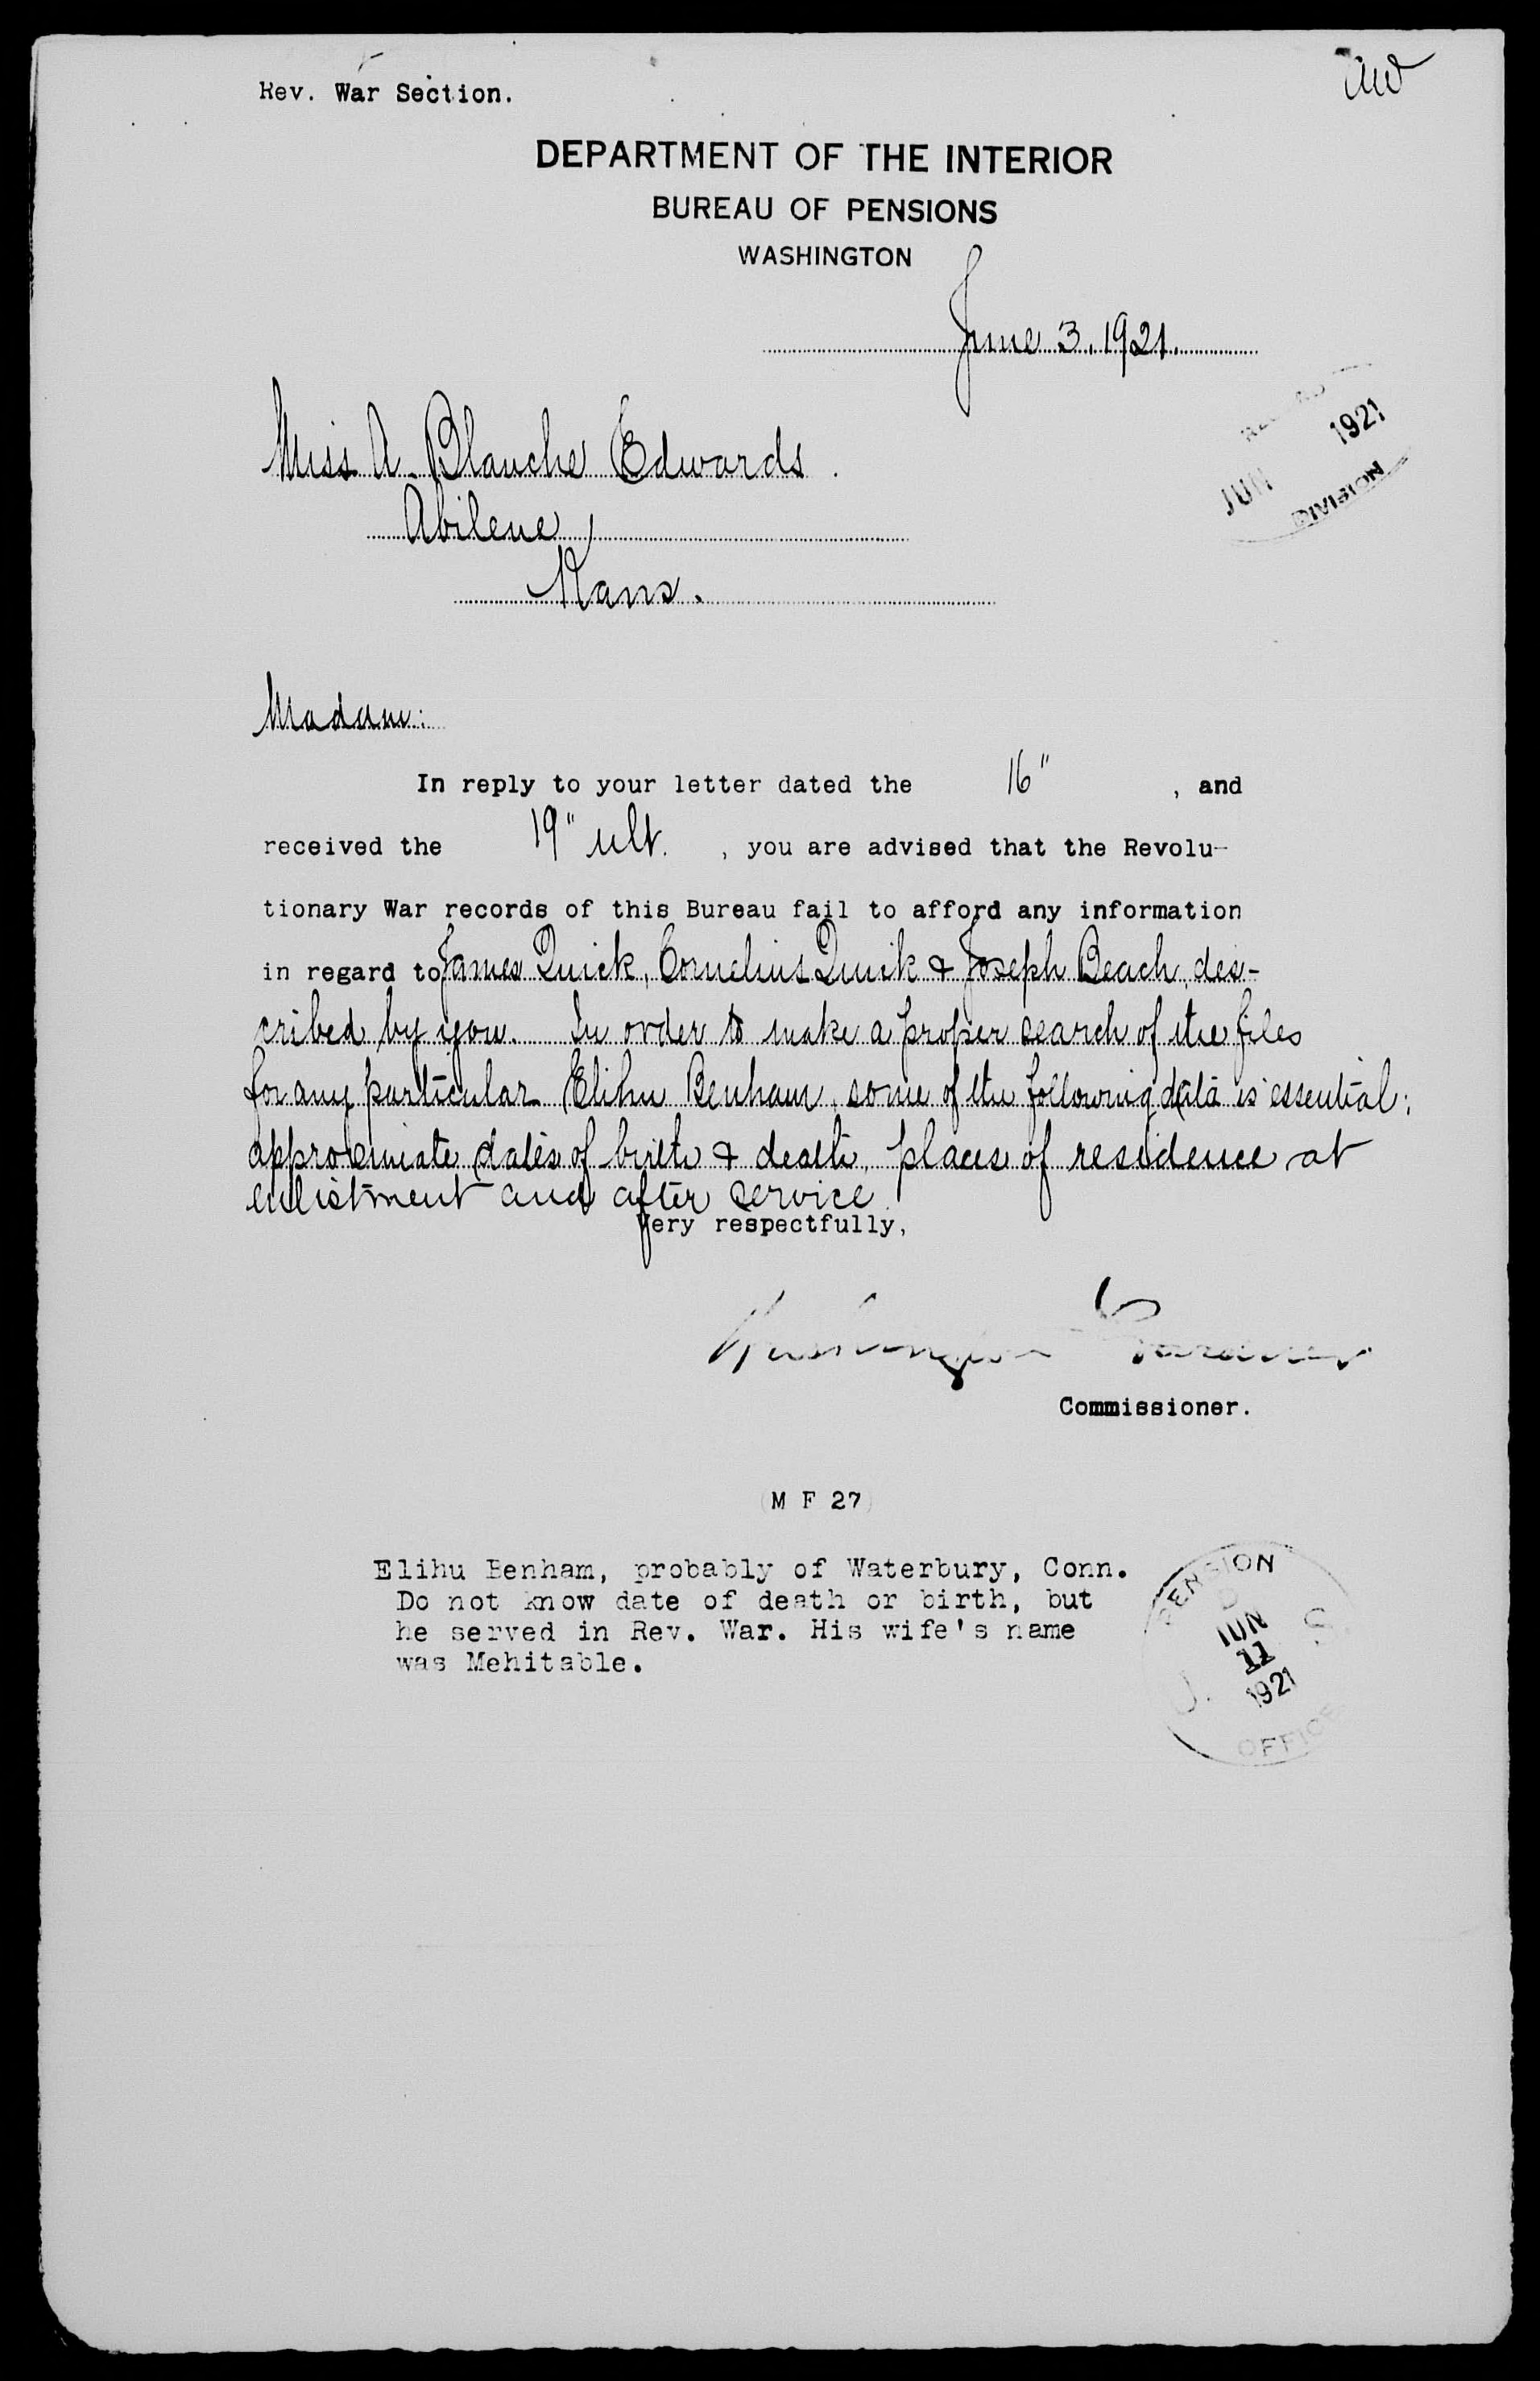Rev. War Section. 
DEPARTMENT OF THE INTERIOR 
BUREAU OF PENSIONS
WASHINGTON

June 3. 1921. 
Miss A. Blanche Edwards Abilene Kans. 
[stamped Records Division June 1921]

Madam:
In reply to your letter dated the 16th and received the 19th, you are advised that the Revolutionary War records of this Bureau fail to afford any information in regard to James Quick Cornelius Quick & Joseph Beach described by you, In order to make a proper search of the files for any particular Elihu Benham, some of the following data is essential; approximate dates of birth & death, places of residence at enlistment and after service 
Very respectfully, 
[signature] Commissioner. 
(M F 27)
Elihu Benham, probably of Waterbury, Conn. Do not know date of death or birth, but he served in Rev. War. His wife's name was Mehitable. 

[U.S. Pension Office stamp Jun 11 1921]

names: Mehitable, Joseph Beach, Elihu Benham, James Quick, Elihu Benham, Cornelius Quick, A Blanche Edwards, Washington Gardner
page: 40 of 45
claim: survivor's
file: S. 15748, Elihu Benham, Conn.